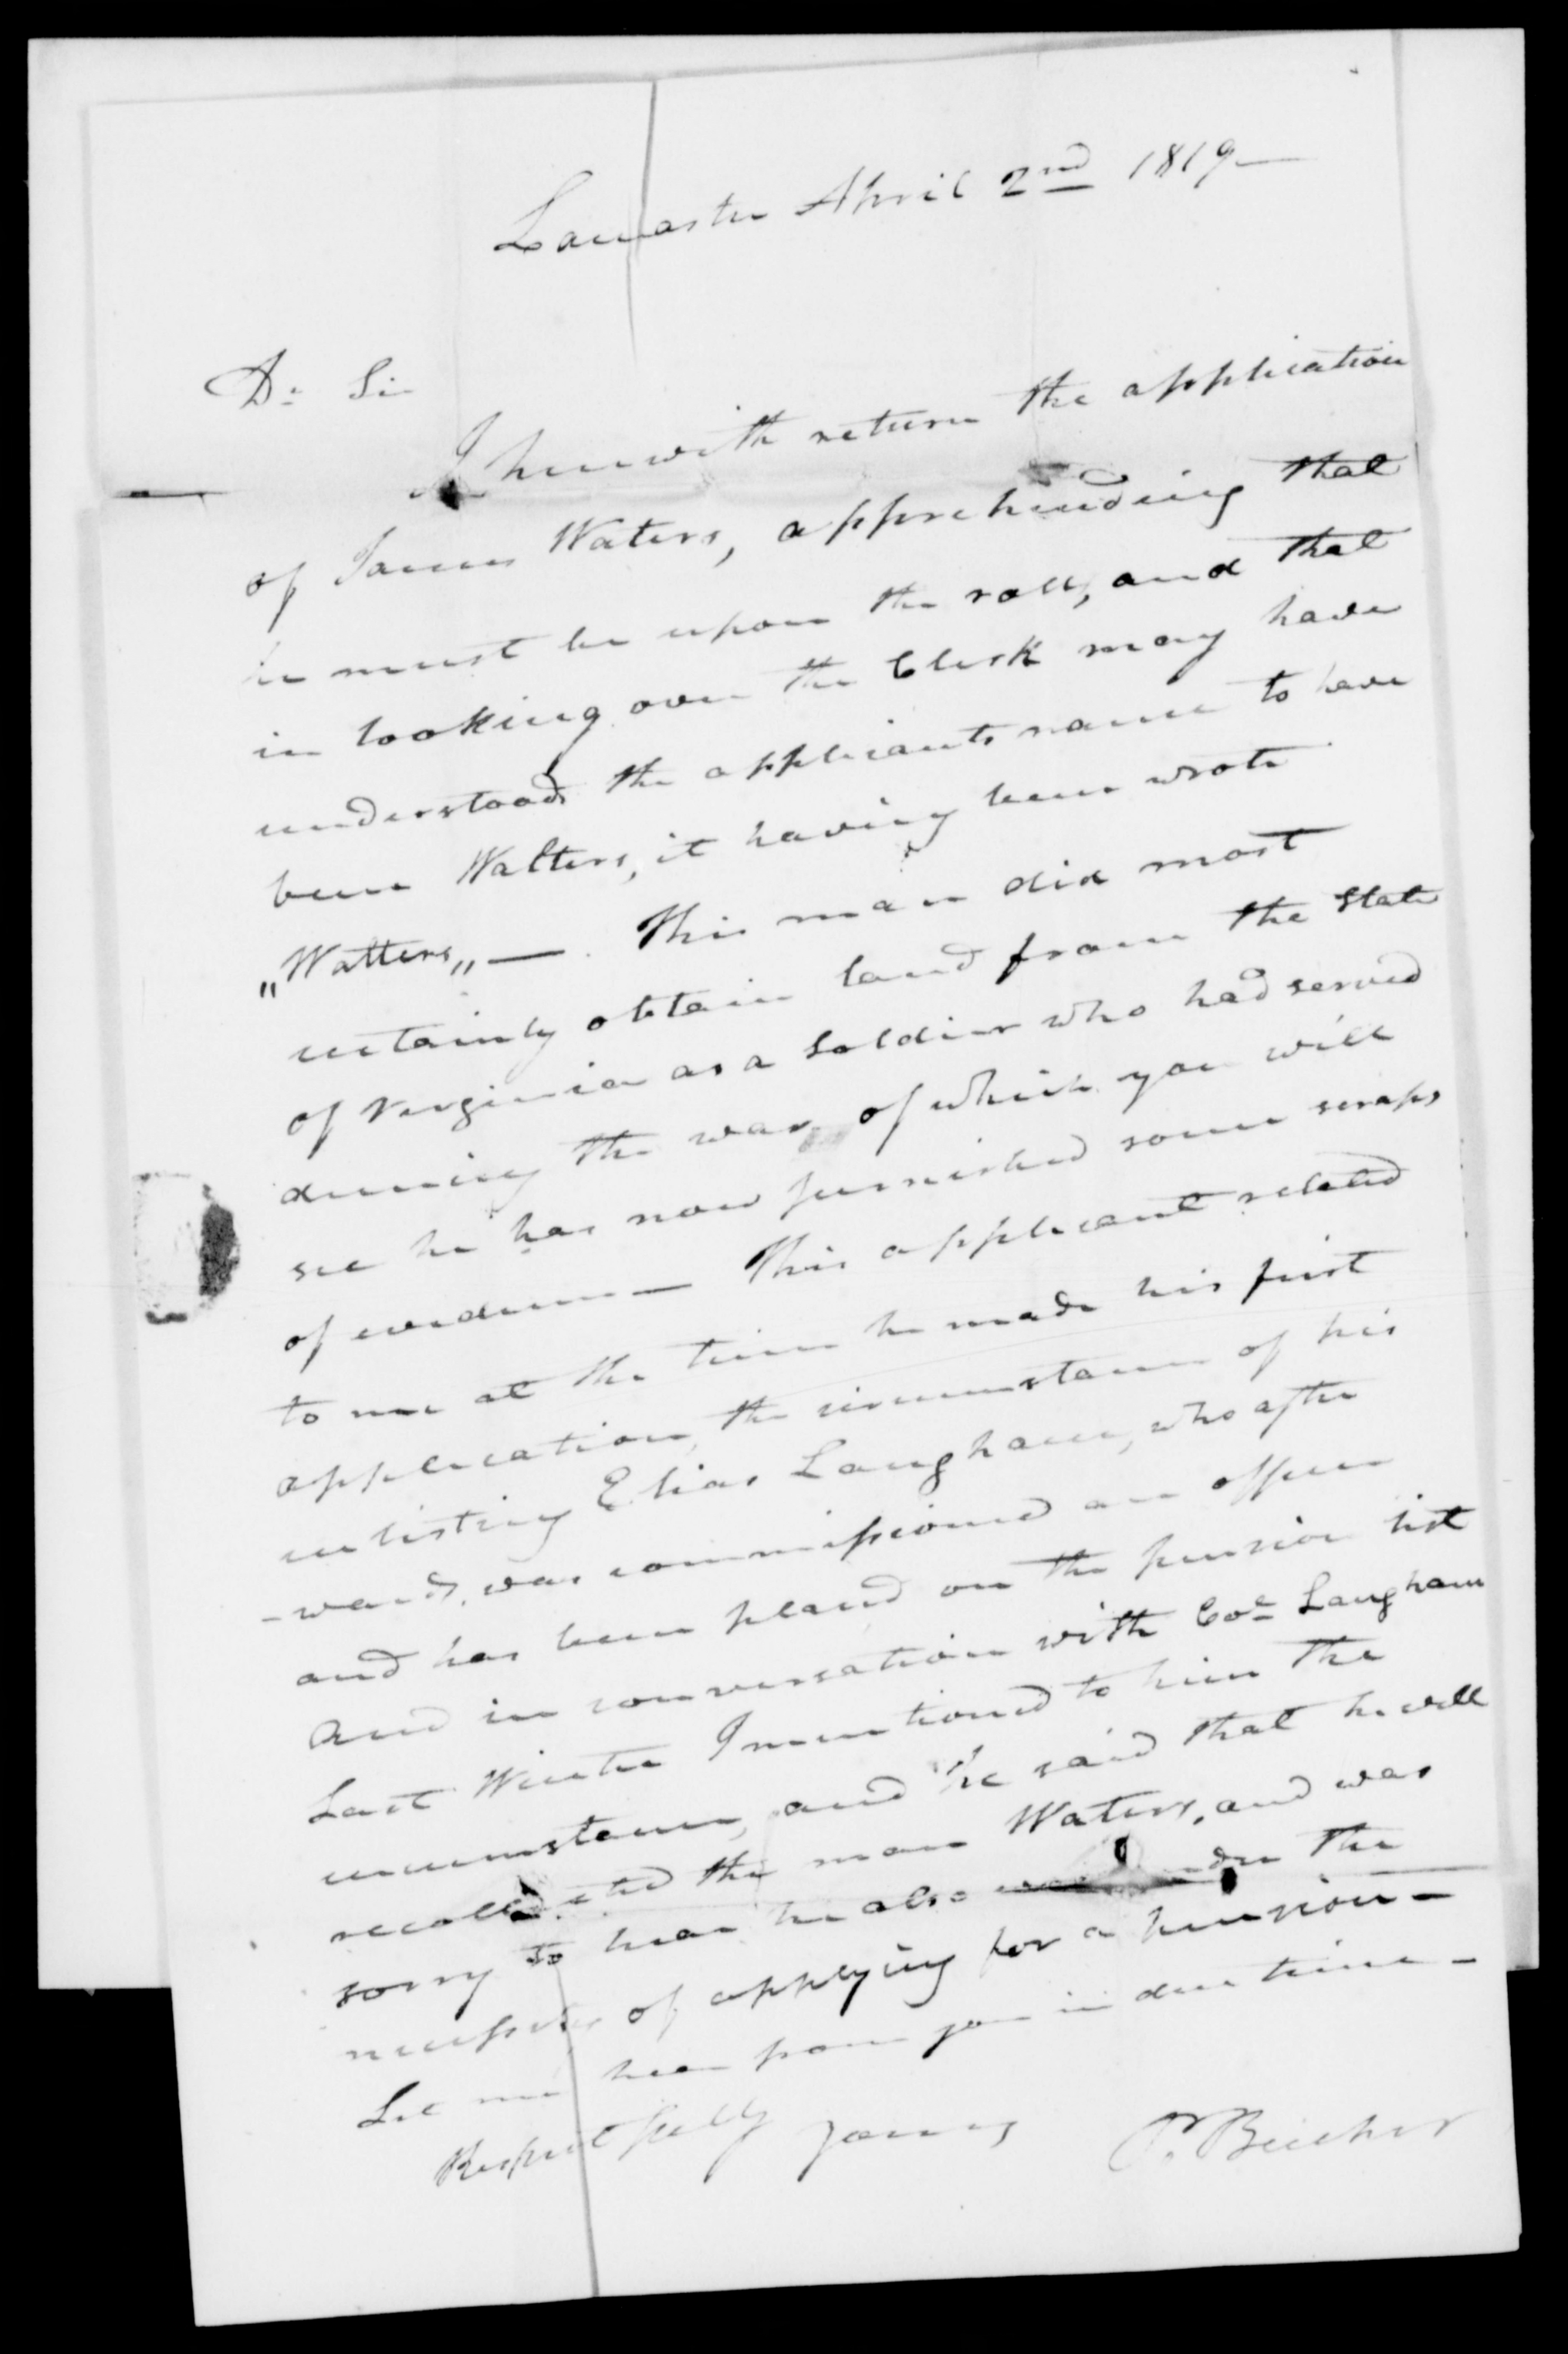Lancaster April 2nd 1819-

Dr. Sir

I herewith return the application of James Waters, apprehending that in must be upon the roll, and that in looking over the Clerk may have understood the applicants name to have been Walters, it having been wrote "Watters"--.  This man did most certainly obtain land from the State of Virginia as a Soldier who had served during the war of which you will see he has now furnished some proof[?] of evidence--  This applicant related to me at the time he made his first application the investigation of his enlisting Elias Langham, who afterwards was commissioned an officer and has been placed on the pension list and in communication with Col. Langham  Last Winter I mentioned to him the circumstances, and he said that he well recollected the man Waters, and was sorry to hear he also [illegible] the necessity of praying for a pension - 
Let me hear from you in due time -
Respectfully yours 
P. Beecher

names: Watters, Walters, James Waters, Elias Langham, P Beecher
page: 20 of 29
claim: survivor's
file: S. 40642, James Waters, Continental (Md)